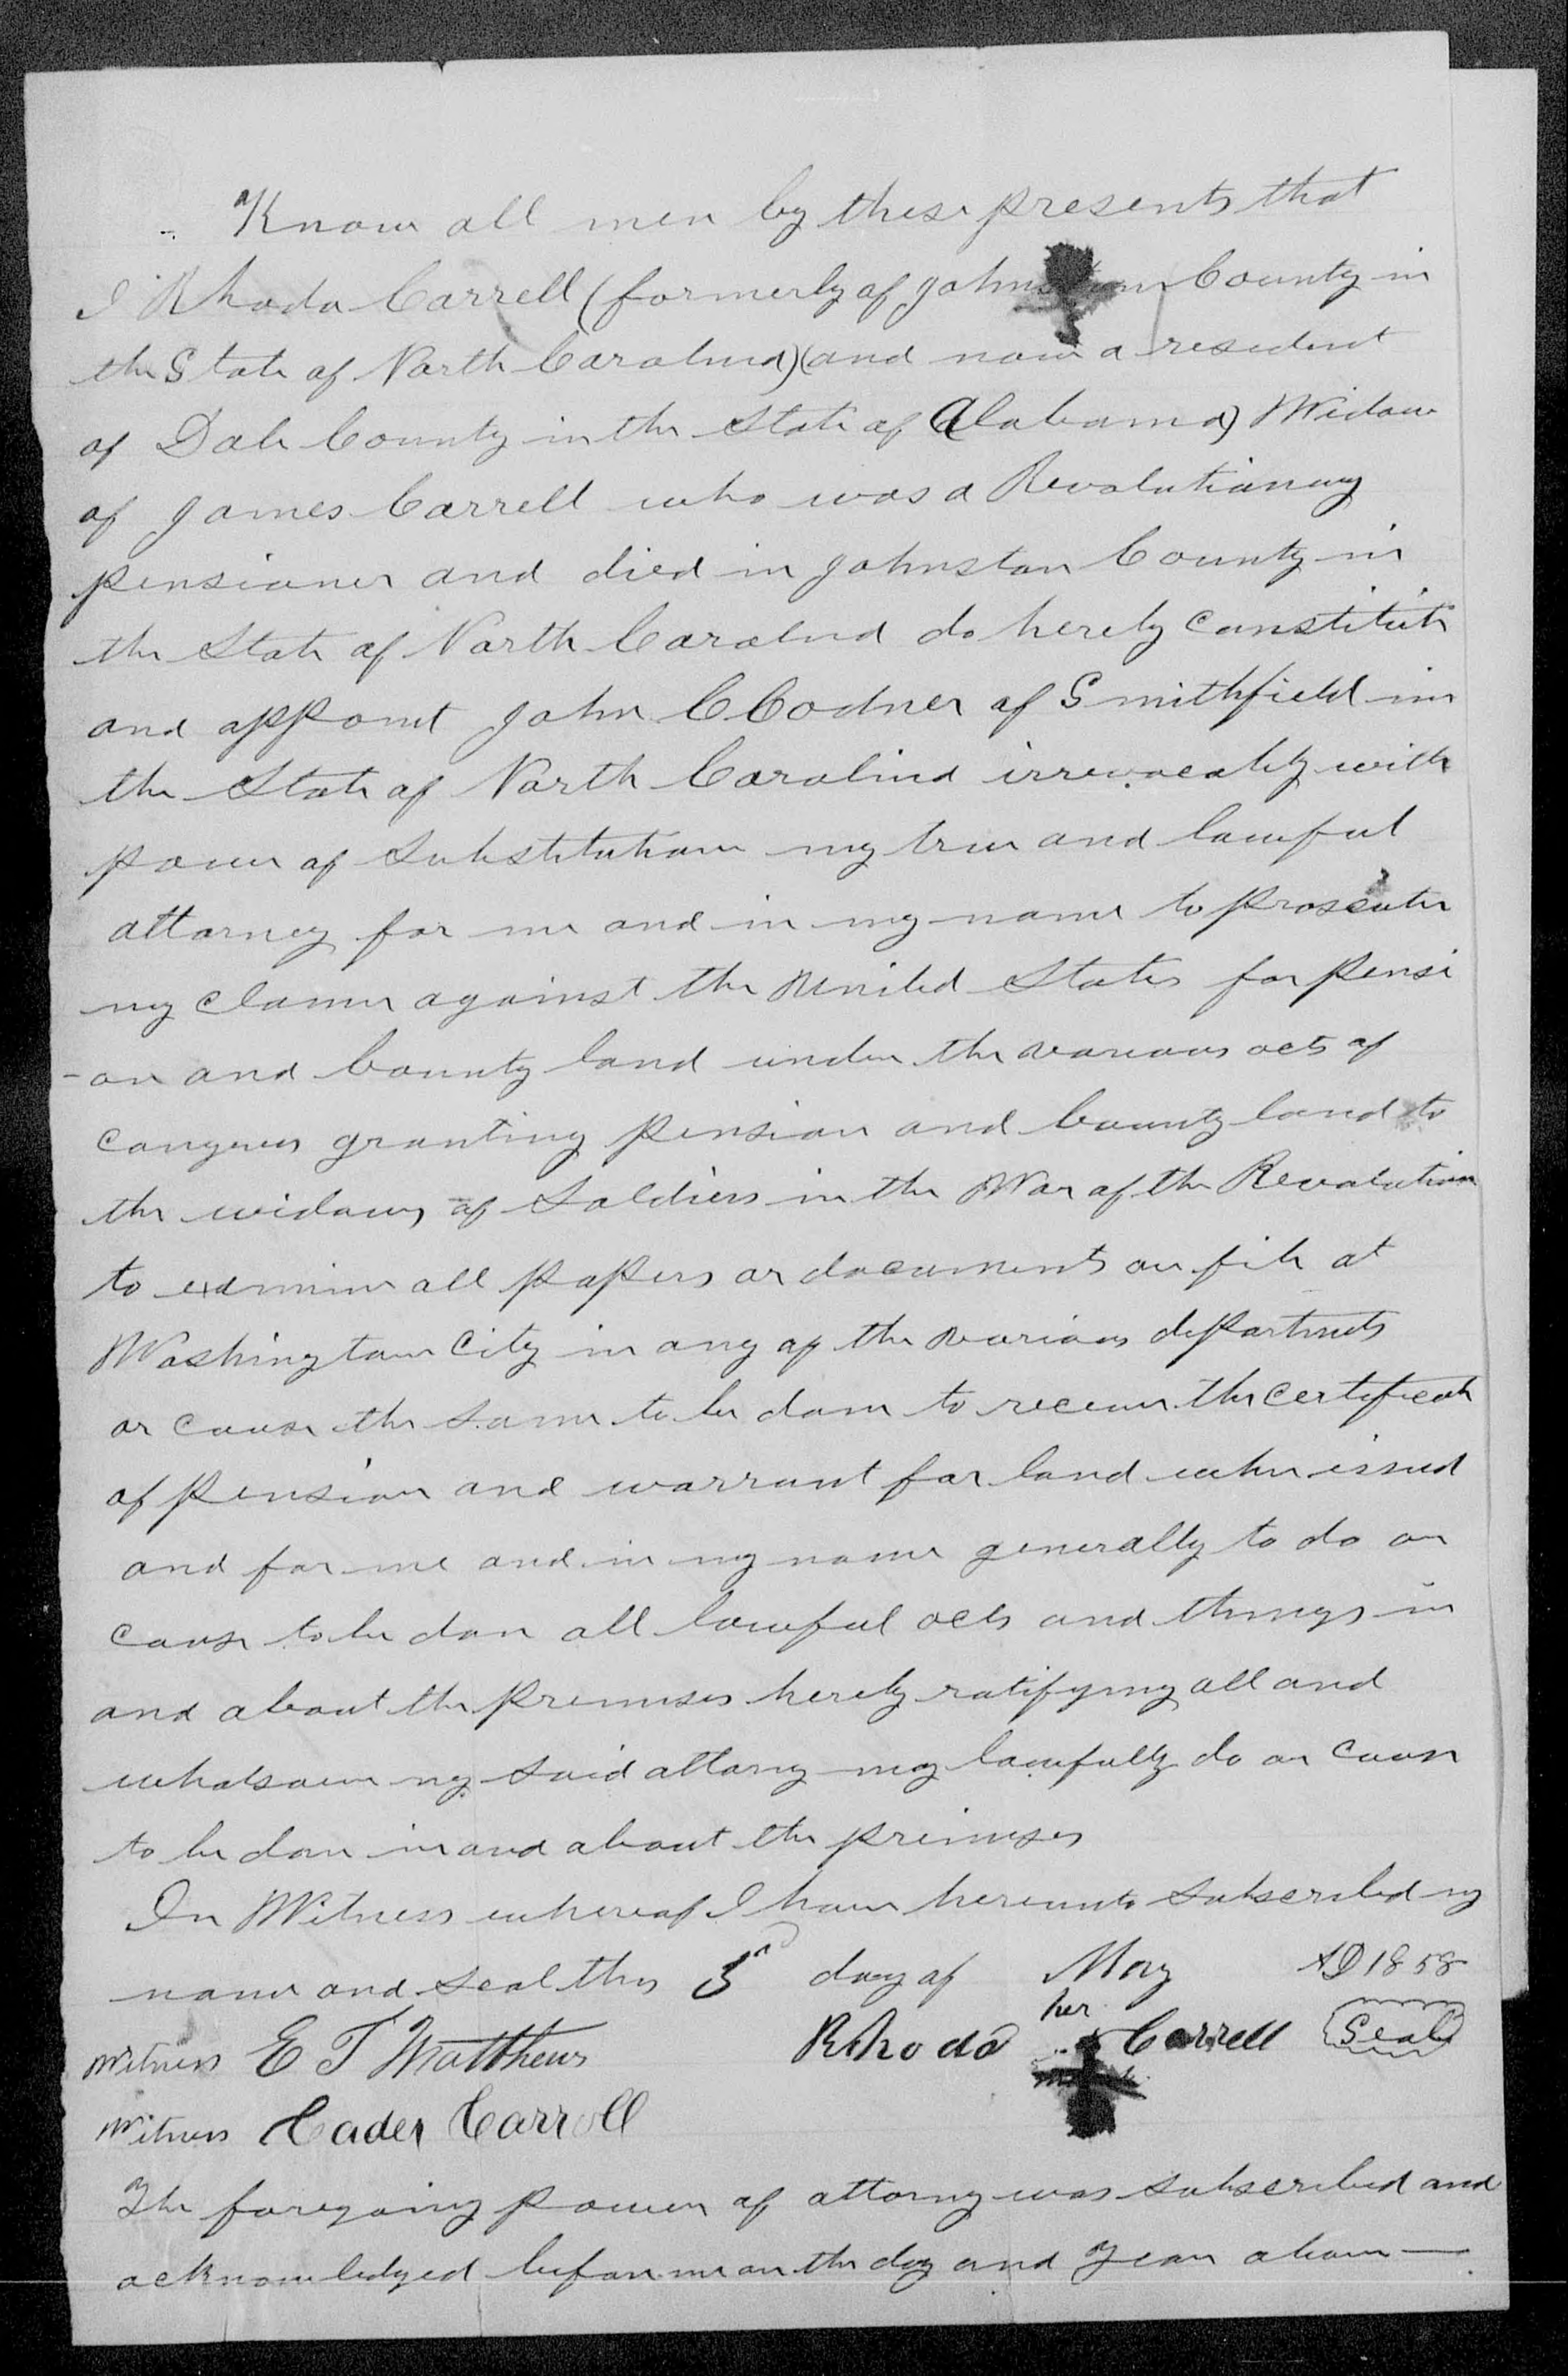Know all men by these presents that I Rhoda Carrell (formerly of Johnston County in the state of North Carolina) (and now a resident of Dale county int he State of Alabama) widow of James Carrell who was a Revolutionary pensioner and died in Johnston County in the State of North Carolina do hereby constitute and appoint John C. Codner of Smithfield in the State of North Carolina irrevocably with power of substitution my true and lawful attorney for me and in my name to prosecute my claim agains the United States for pension and bounty land under the various acts of congress granting pension and bounty land to the widows of soldier in the War of the Revolution to examine all papers or documents on file at Washington City in any of the various departments or cause the same to be done to receive the certificate of pension and warrant for land when issued and for me and in my name generally to do or cause to be done all lawful acts and things in and about the premises hereby ratifying all and whatsoever my said attorney may lawfully do or cause to be done in and about the premises
In witness whereof I have hereunto subscribed my name and seal this 3rd day of May AD 1858  Rhoda Carrell (her mark)
witness  E T Matthews
witness Cader Carroll

The foregoing power of attorney was subscribed and acknowledged before me on the day and year above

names: E T Matthews, Rhoda Carrell, Rhoda Carrell, Cader Carroll, John C Codner, James Carrell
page: 41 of 86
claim: widow's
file: W. 6899, James Carrell, N.C.